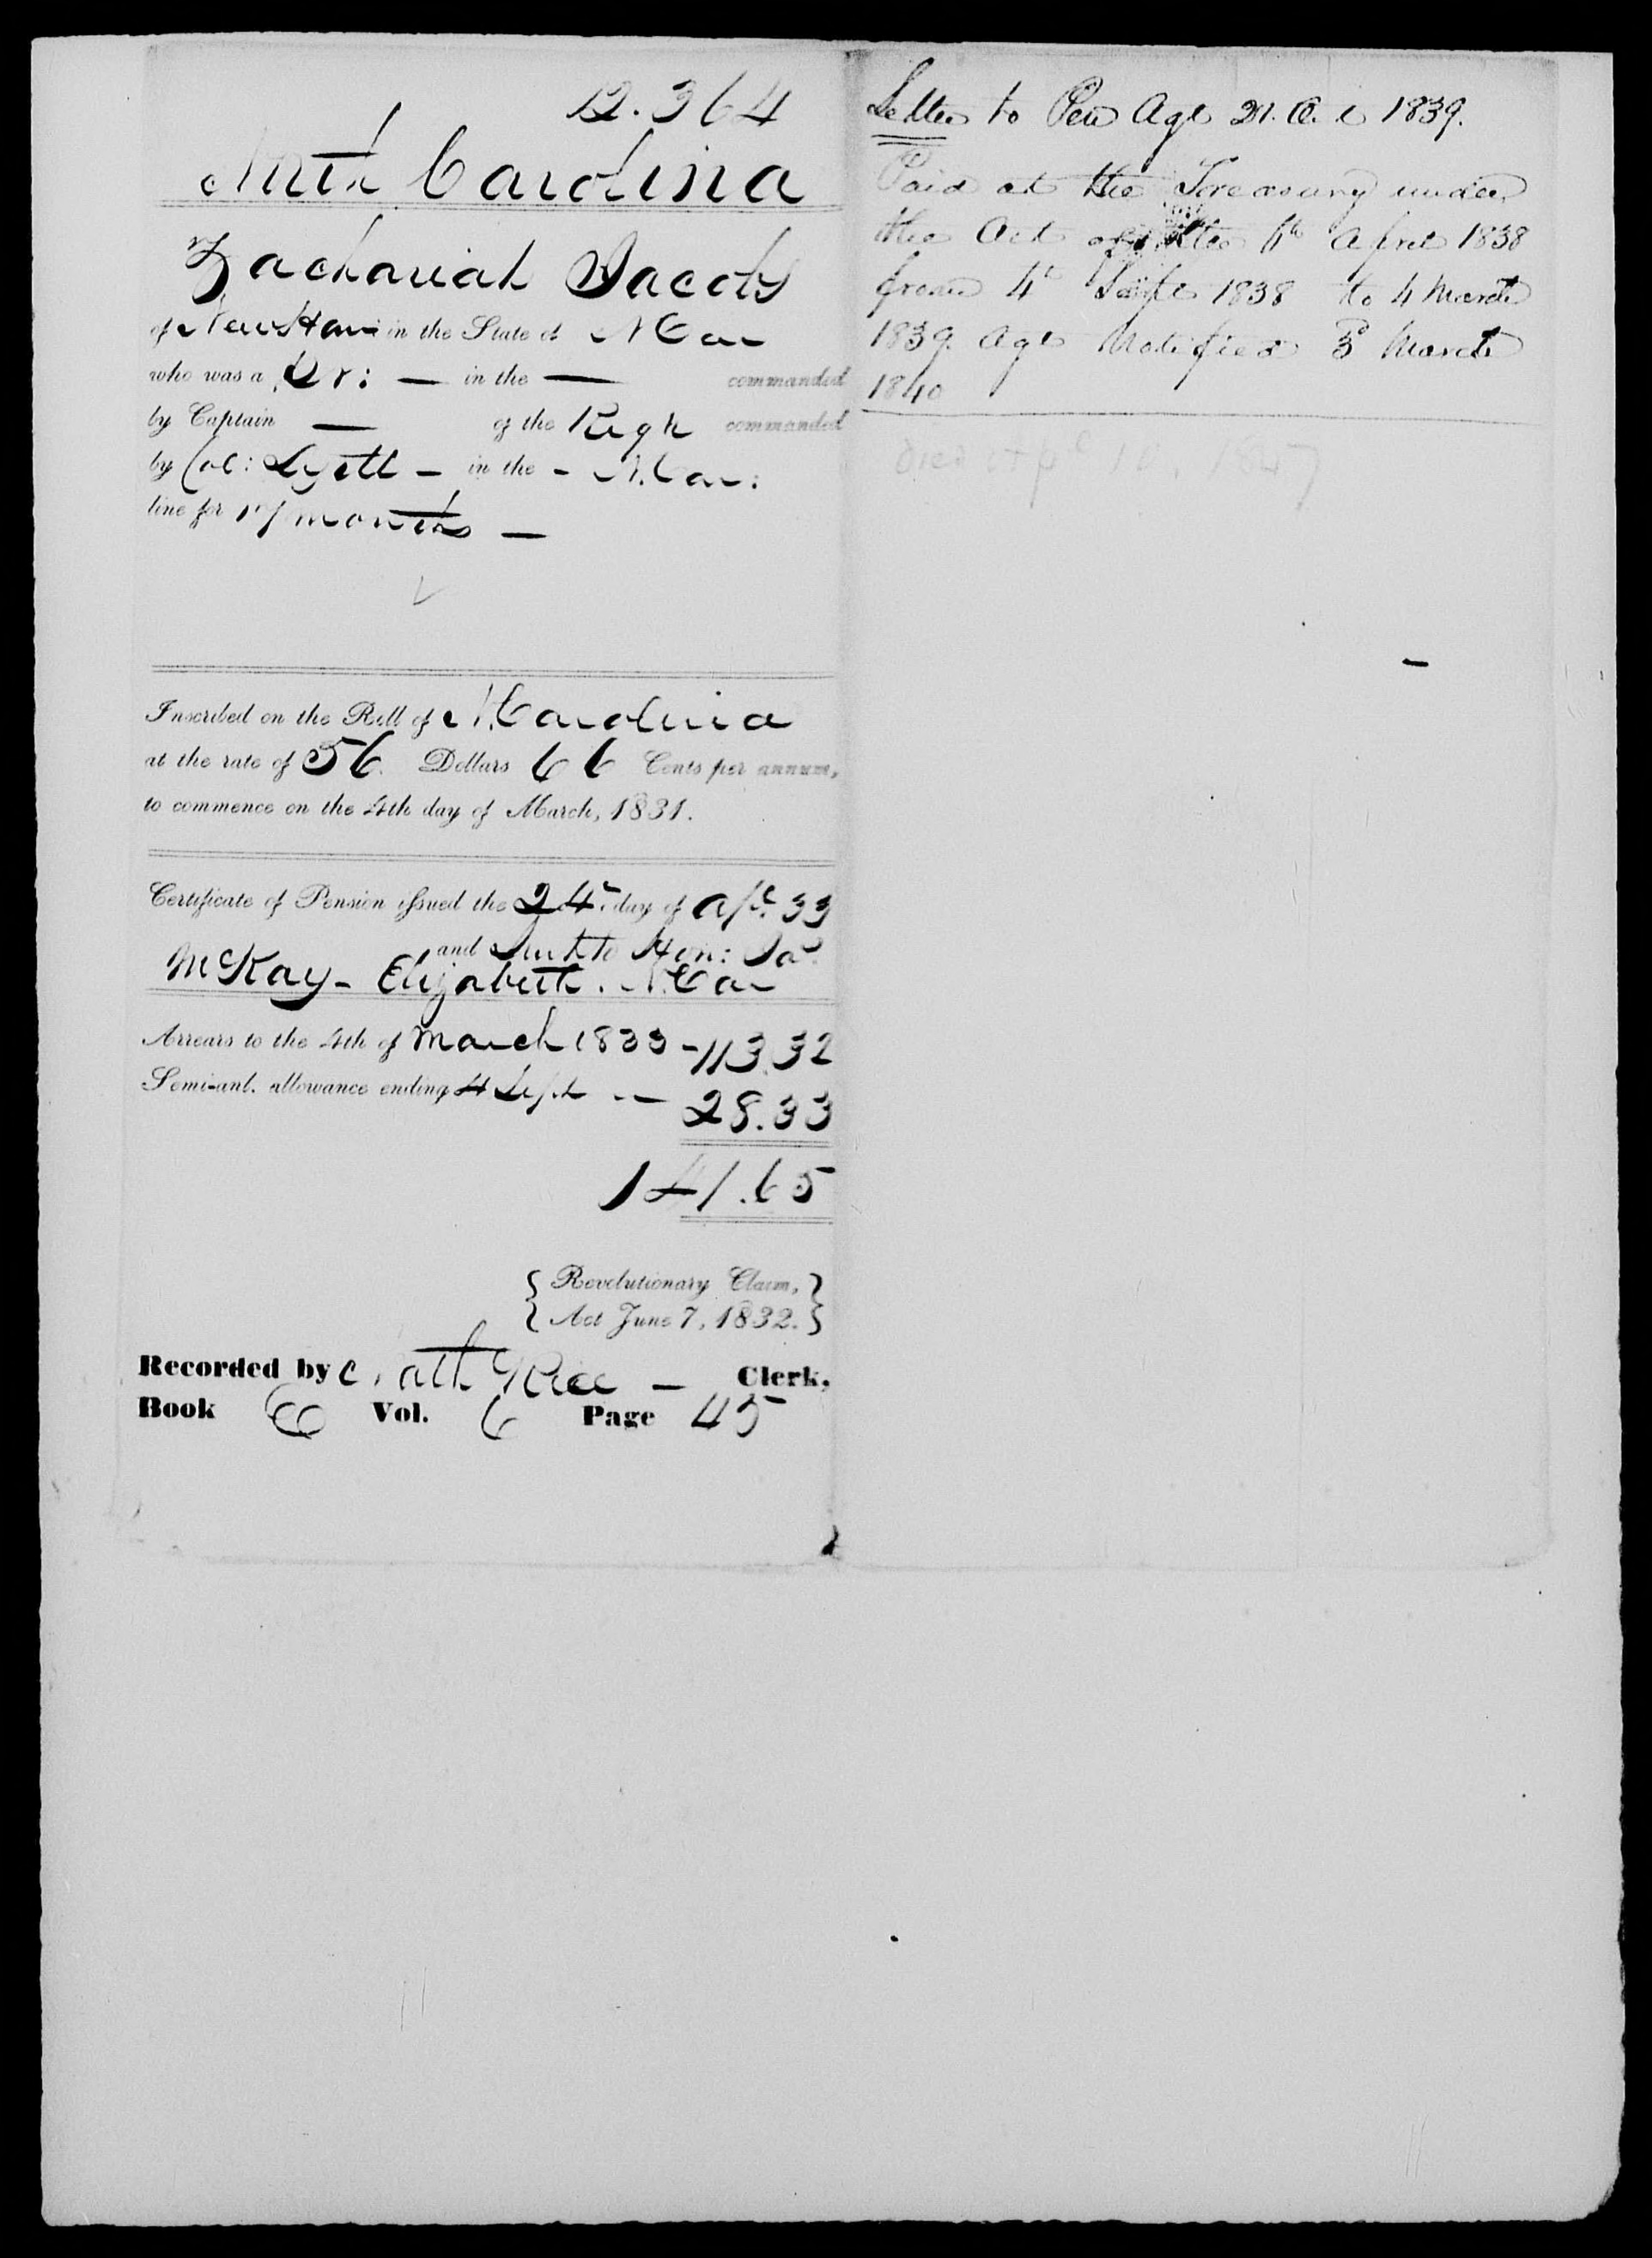[left side of page]
                                            12.364
North Carolina
=============================
Zachariah Jacobs
of New Han. in the State of NCar
who was a Pri - in the [blank] commanded by Captain [blank] of the Reg't commanded by Col: Lyett - in the N Car. line for 17 months - 
============================
Inscribed on the Roll of N. Carolina at the rate of 56 Dollars 66 Cents per annum to commence on the 4th day of March 1831.
============================
Certificate of Pension issued the 24 day of Apr '33  and sent to Hon Ia'. McKay - Elizabeth, NCar
============================
Arrears to the 4th of March 1833 -   113.32
Semi-anl allowance ending 4 Sept      28.33
                                                           =====
                                                           141.65
                                 {Revolutionary Claim,}
                                       {Act June 7, 1832.}
Recorded by C.[?]ath Rice -Clerk,
Book E   Vol.  6   Page 45

[right side of page]
Letter to Pen Agt 21 Oct 1839
Paid at the Treasury under the act of the 6th April 1838 from 4th Sept 1838 to 4 March 1839 Agt Notified 3rd March 1840
_____________________________________________
Died Ap'l 10, 1847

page: 8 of 40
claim: widow's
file: W. 5304, for Zachariah Jacobs, North Carolina